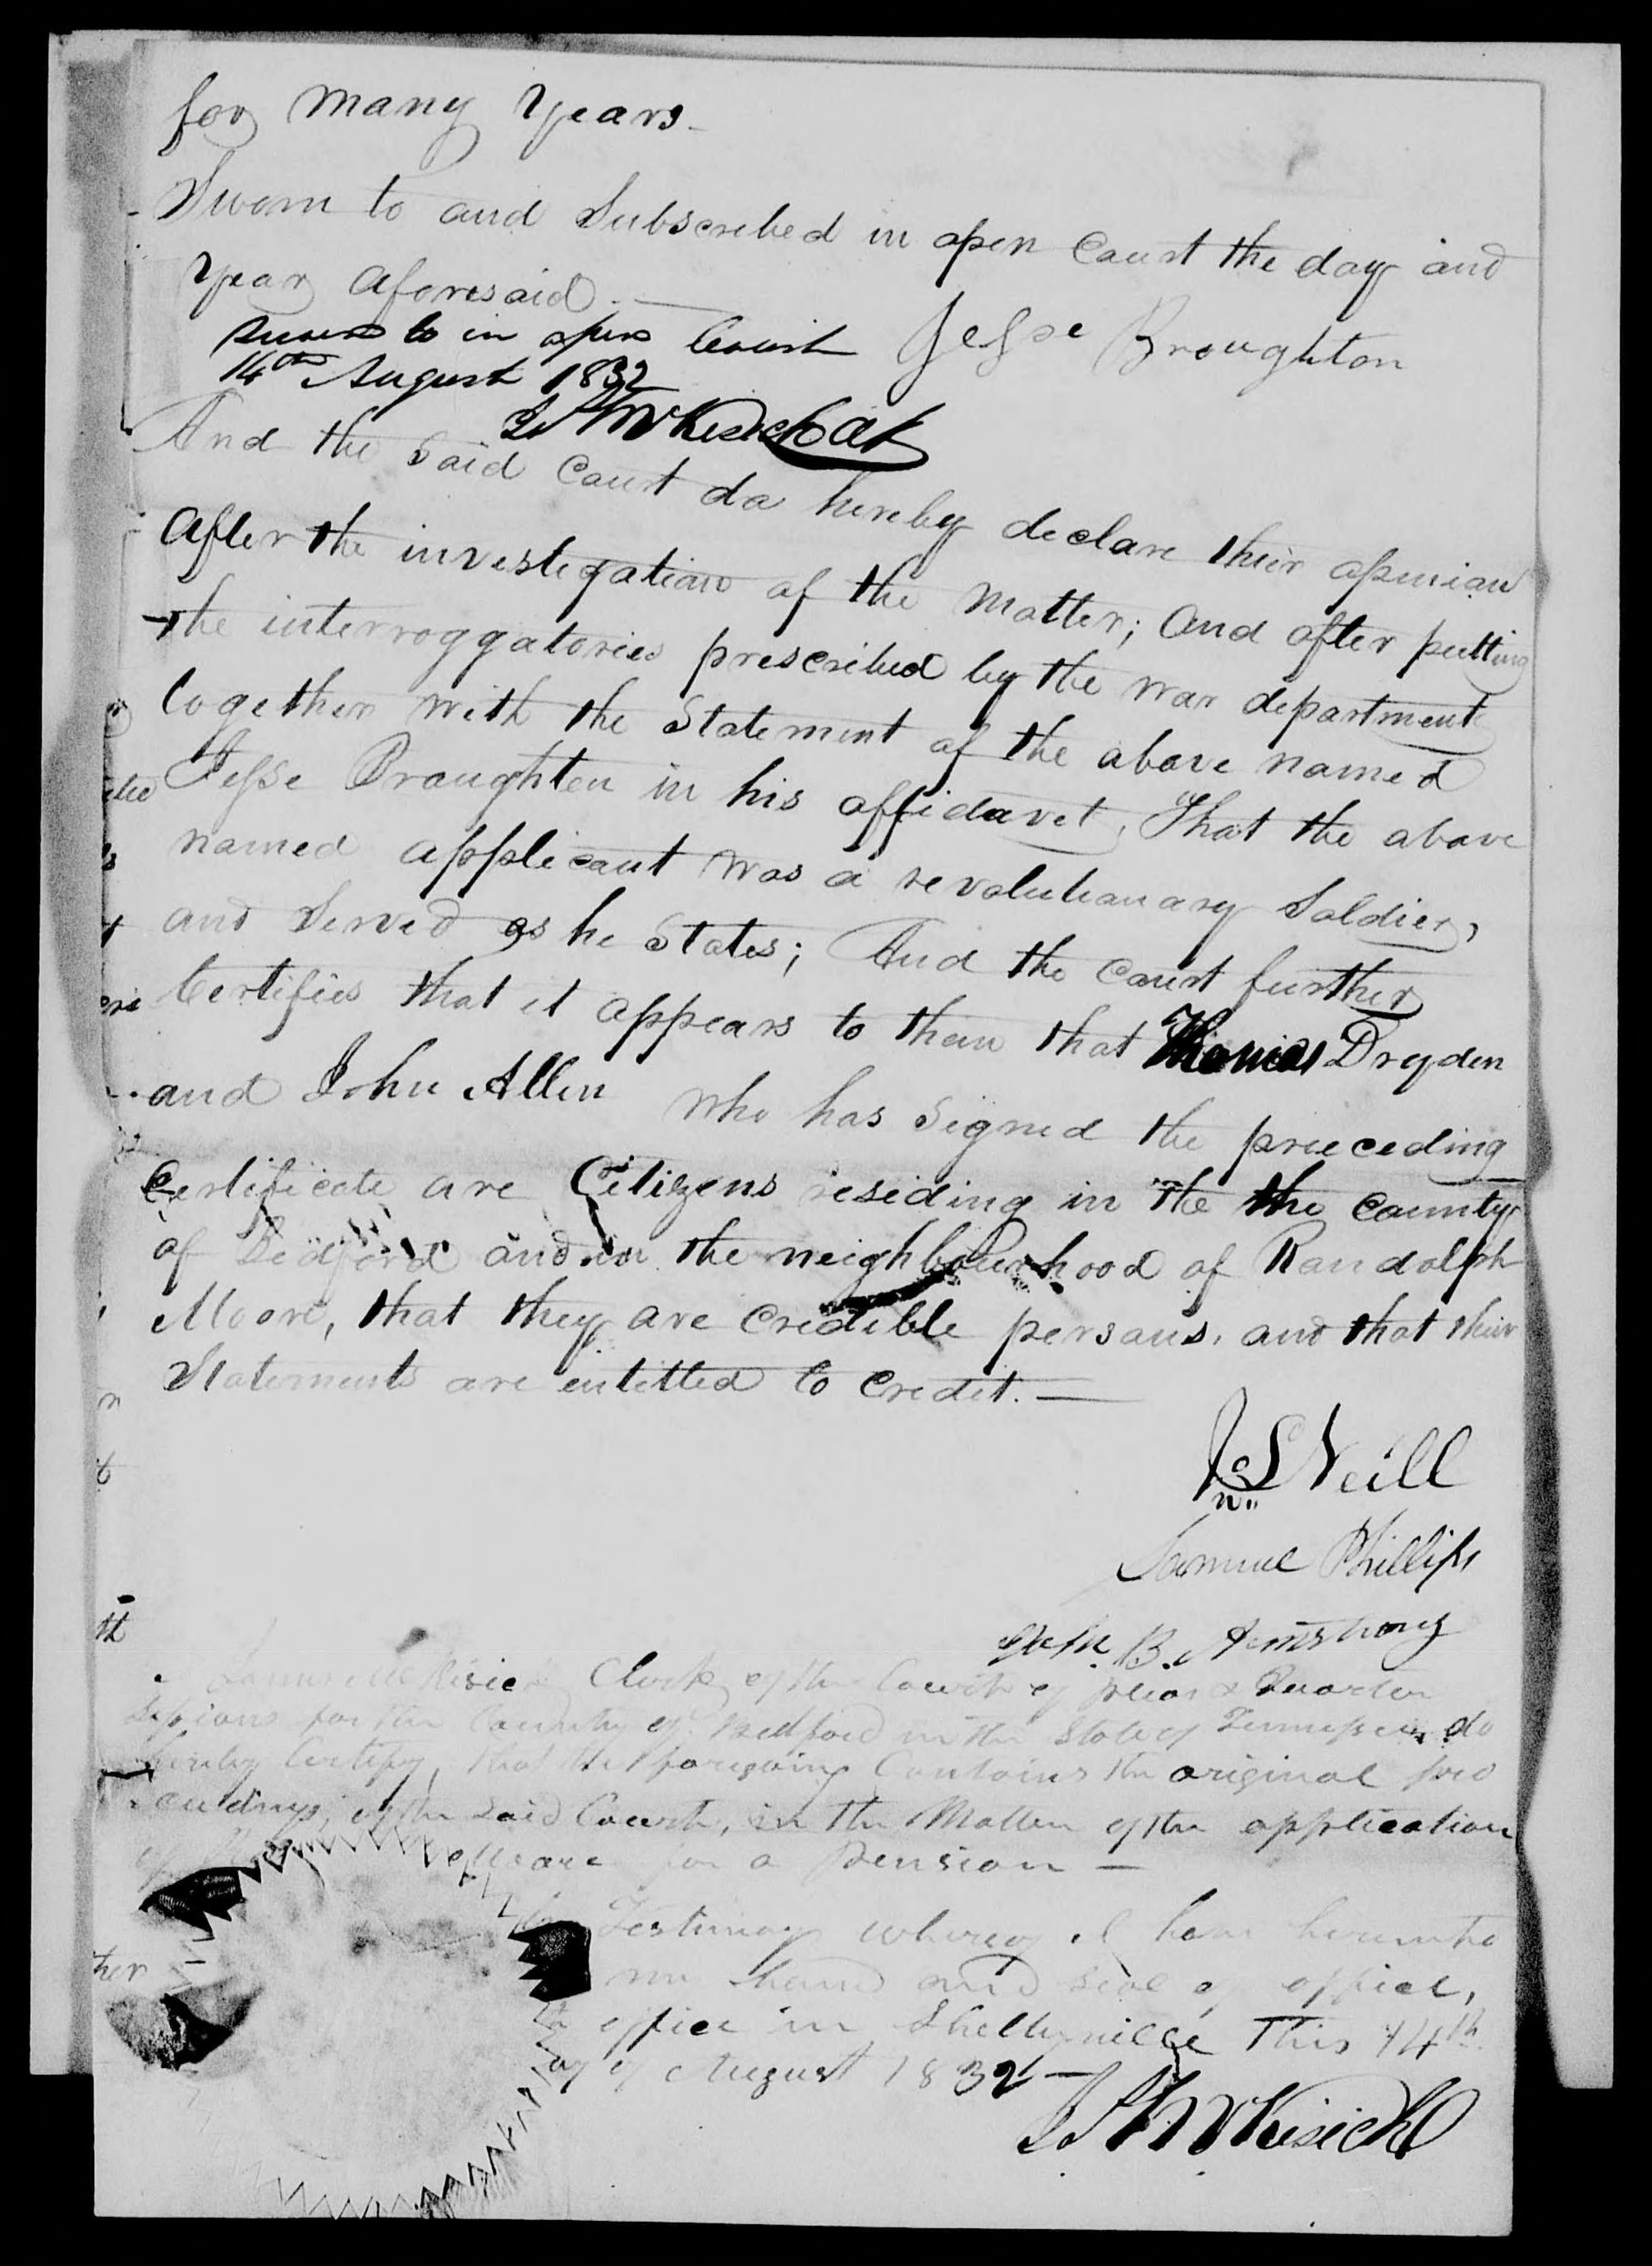for many years
Sworn to and subscribed in open court the day and year aforesaid.
[Signature]
Jesse Broughton
Sworn to in open court 14th August 1832
[Signature]
Jas. McKisick Clk

And the said court do hereby declare their opinion after the investigation of the matter; and after putting the interrogatories prescribed by the war department together with the statement at the above named Jesse Braughten in his affidavit, that the above named applicant was a revolutionary soldier and served as he states; and the court further certifies that it appears to them that Thomas Dryden and John Allen who has signed the preceding certificate are citizens residing in the the county of Bedford and in the neighbourhood of Randolph Moore, that they are credible persons and that their statements are entitled to credit. -
[Signature]
Jos. Neill
Samuel Phillips
John B. Armstrong

I James McKisick Clerk of the Court of Pleas &  Quarter Sessions for the county of Bedford in the state of Tennessee do hereby certify that the foregoing contains the original two proceedings of the said Court, in the matter of the application of Randolph Moore for a pension - 
In Testimony whereof I have hereunto set my hand and seal of official office in Shellyville this 14th day of August 1832.
[Signature]
Jas. McKisick Clk
[Seal]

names: Jas Mc Kisick; Thomas Dryden; Randolph Moore; Jesse Broughton; Wm B Armstrong; John Allen; Jos Neill; Samuel Phillips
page: 11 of 33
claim: widow's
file: W. 52, for Randolph Moore, North Carolina